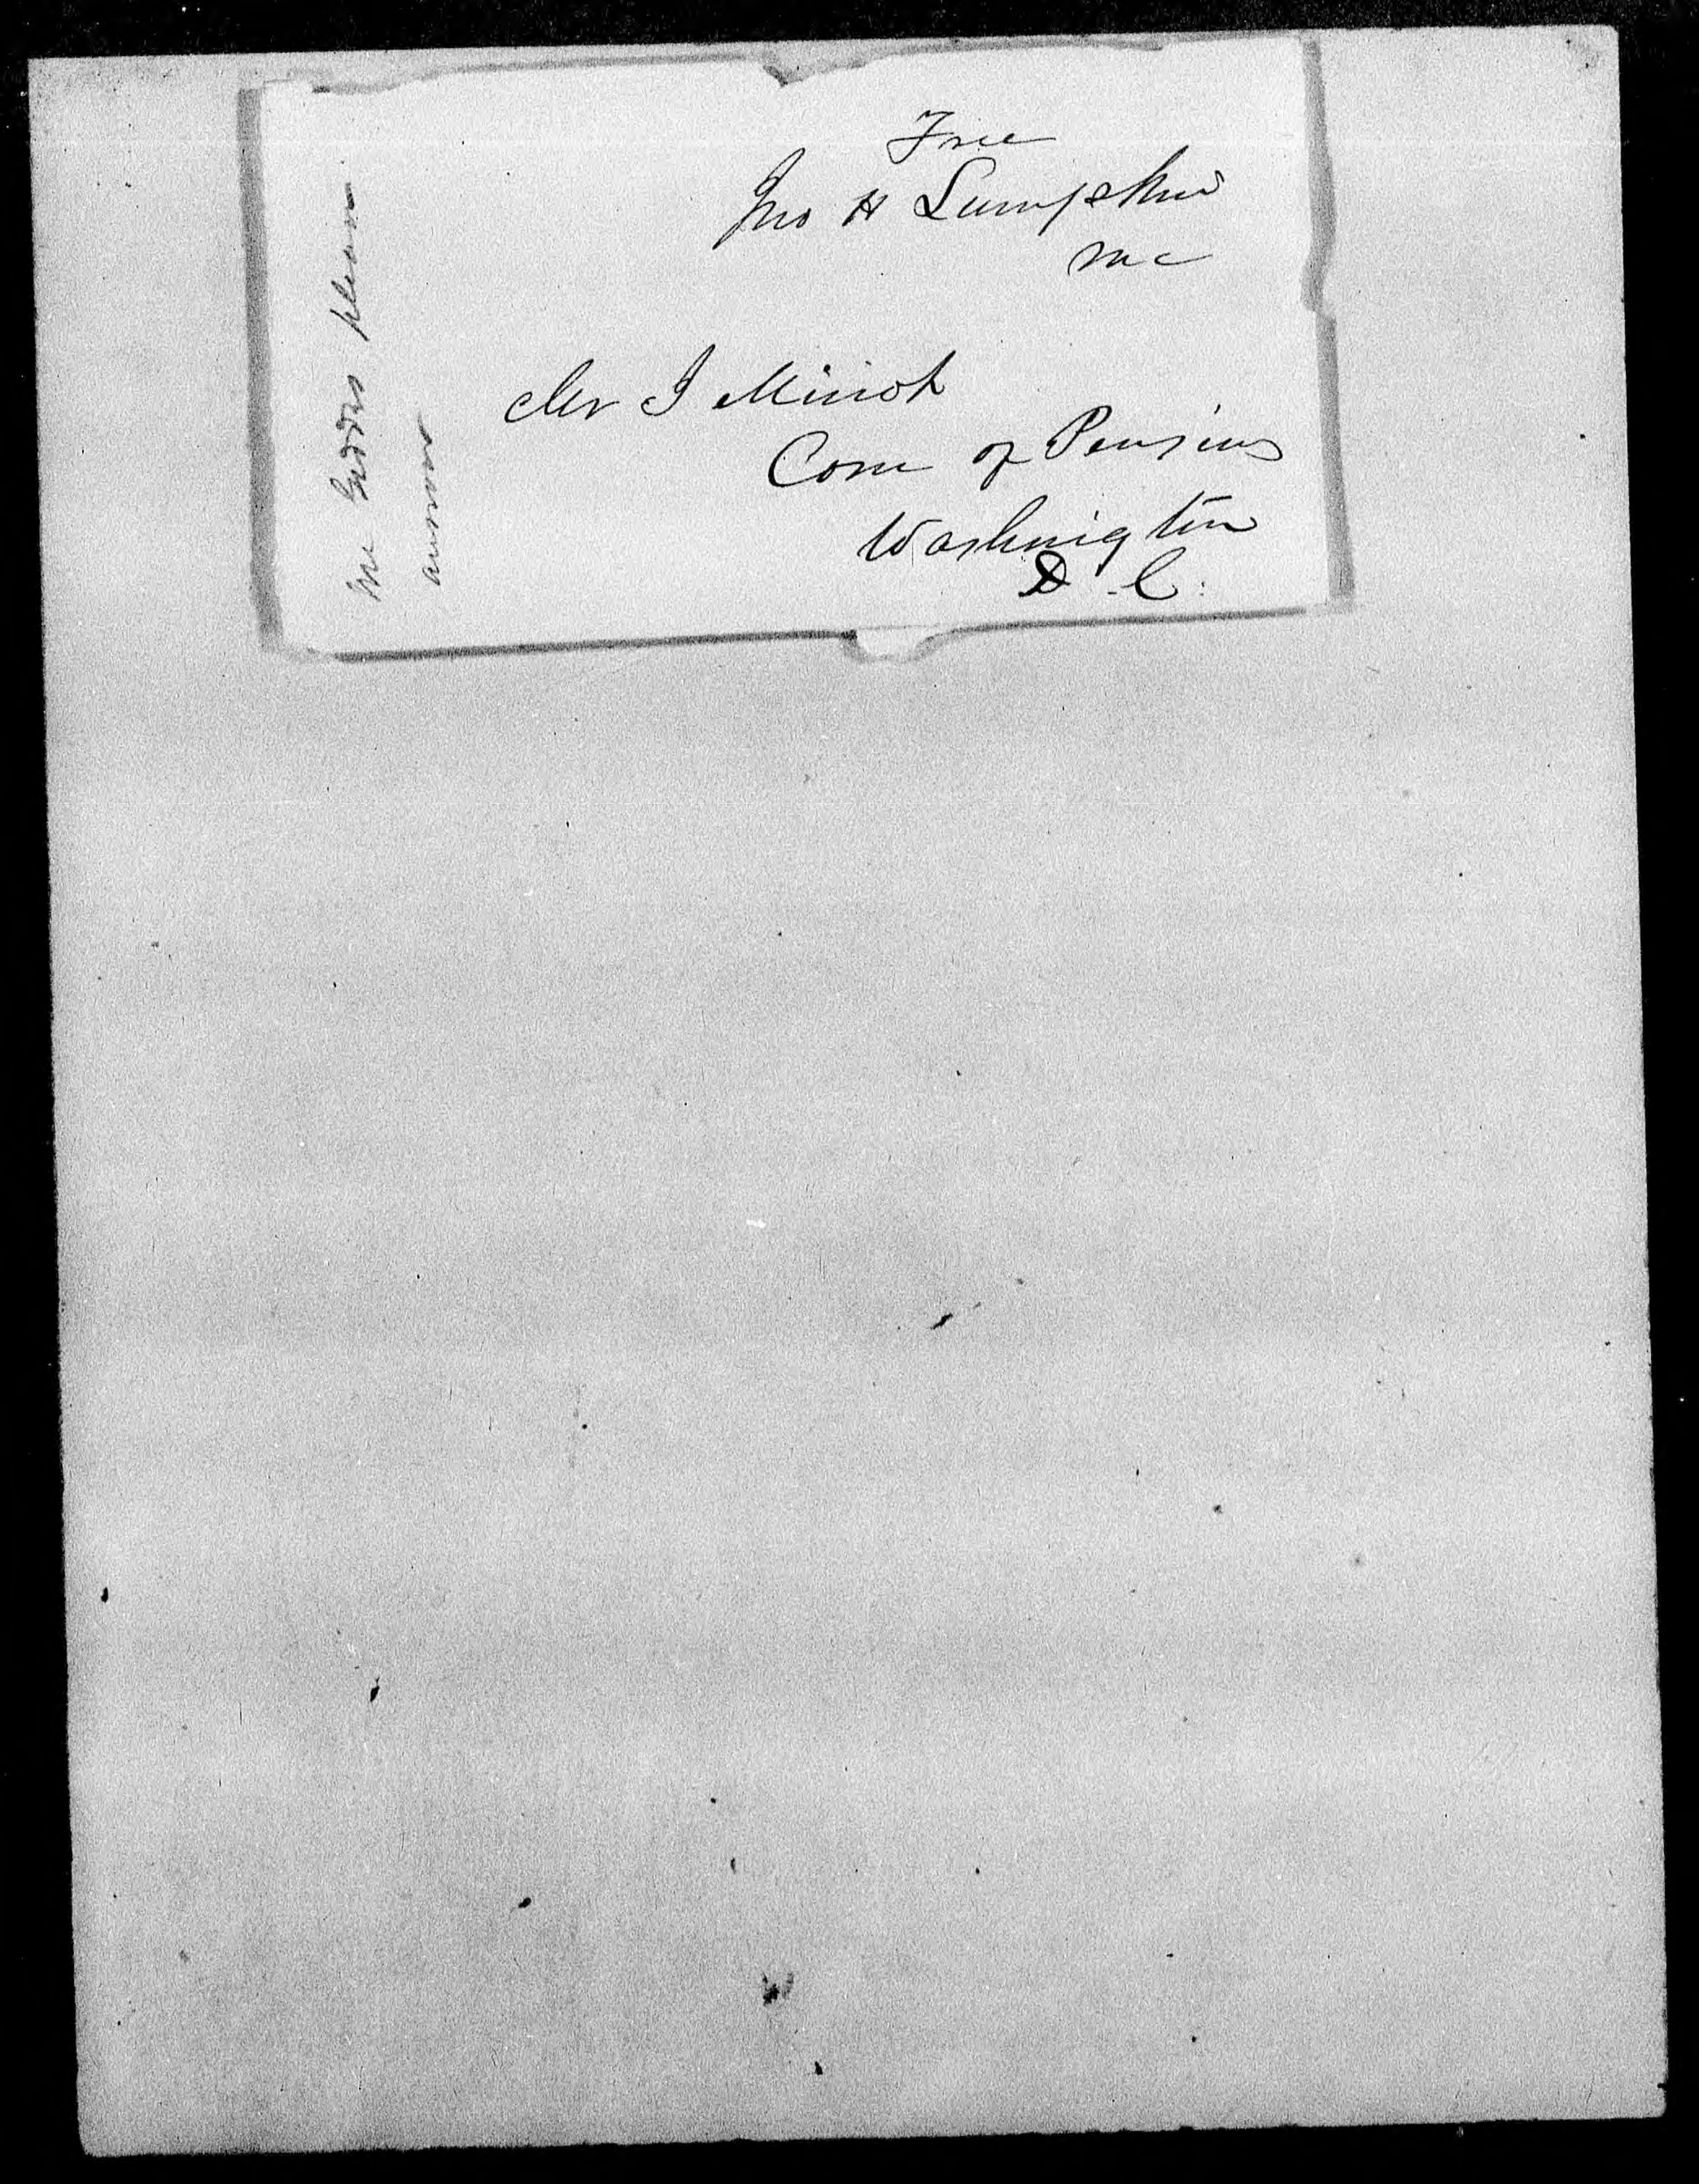[illegible]
Jno H Lumpkin
                         mc

[illegible].   J. Minot
                       Com of Pensions
                        Washington, 
                                 D C
[Margin - left side of page]
Mr. Geddes Plean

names: Jno H Lumpkin, Geddes Plean, J Minot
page: 10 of 18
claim: survivor's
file: S. 10,773, Henry Gragg, S.C.